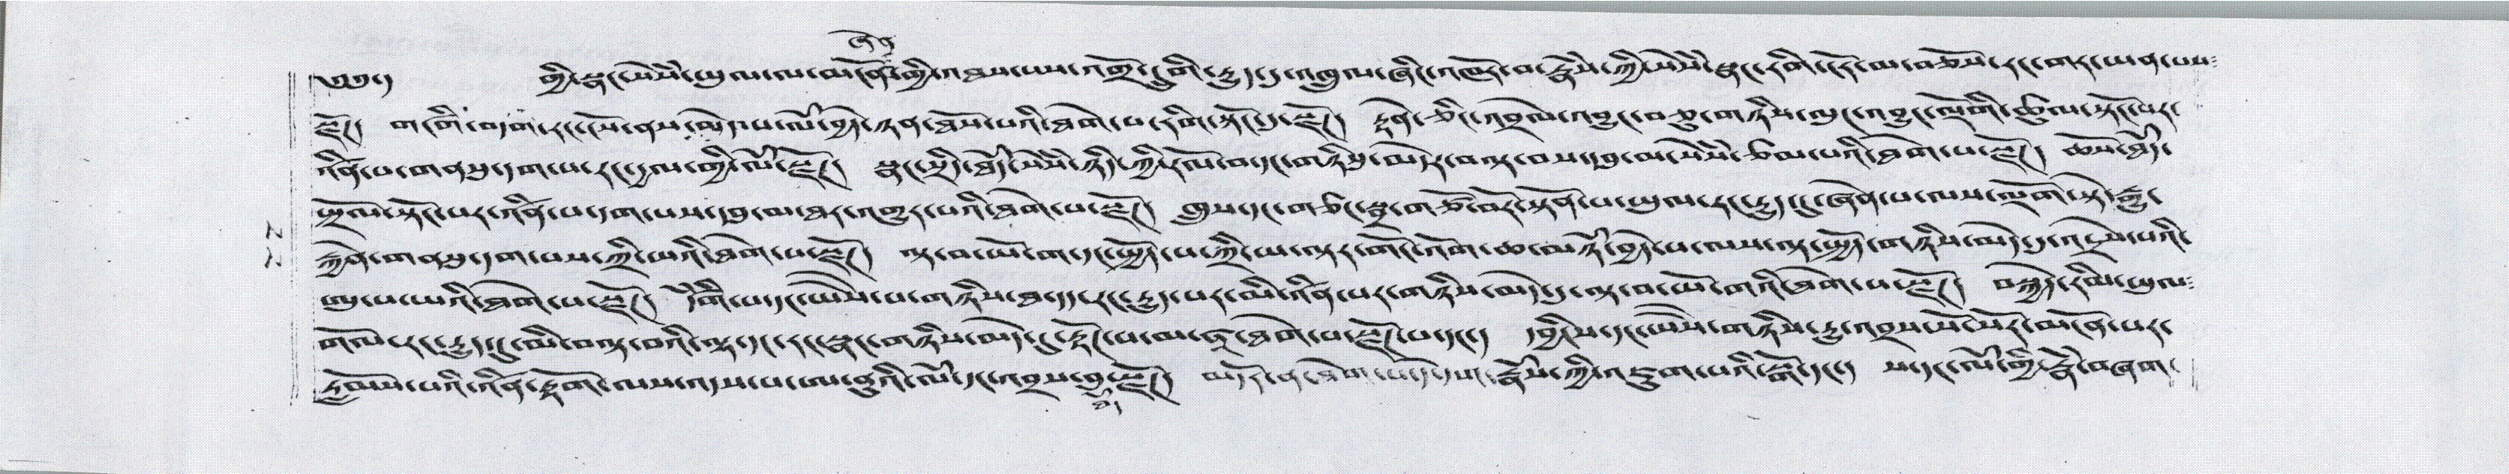གྱི་སྣང་སེམས་ཡུལ་ལ་མངོན་ཞེན་གྱི་འཐའ་ཡས་འགྲོ་དྲུག་གི་རྒྱུད་དུ་འཁྲུལ་ཞིང་འཁོར་བ་རྣམས་ཀྱི་སེམས་སྣང་རིག་ངོར་མ་བཅོས་རང་གར་ཡན་པས་
རྫོགས། གང་ཟག་གི་བདག་རང་ངོས་ནས་མེད་པ་ལམ་བྱེད་ཉན་ཐོས་པའི་ཐེག་པ་རིག་སྟོང་དུ་རྫོགས། རྟེན་ཅིང་འབྲེལ་འབྱུང་བཅུ་གཉིས་ལུགས་འབྱུང་ལྡོག་གི་ཚུལ་སྟོང་པར་
འཛིན་པ་གནས་སུ་དག་པ་རང་རྒྱལ་གྱི་ལམ་རྫོགས། སྣང་སྲིད་ཐམས་ཅད་སེམས་ཉིད་ཀྱི་རོལ་བ་དང་གཉིས་སུ་མེད་པར་བལྟ་བས་དབུ་མ་སེམས་ཙམ་པའི་ཐེག་པ་རྫོགས། ཆོས་ཐམས་ཅད་
སྤྲོས་བྲལ་སྟོང་པར་འཛིན་པ་དག་པས་དབུ་མ་ཐལ་འགྱུར་བའི་ཐེག་པ་རྫོགས། ཁྲུས་དང་གཙང་སྦྲ་གཙོ་བོར་སྟོན་པ་ཡུལ་རང་རྒྱུད་དུ་ཞེན་པ་ལས་ལྡོག་སྟེ་རྒྱུ་
རྐྱེན་གནས་སུ་དག་པས་ཀྲི་ཡའི་ཐེག་པ་རྫོགས། ལྟ་བ་ཡོ་ག་དང་སྤྱོད་པ་ཀྲི་ཡ་ལྟར་གོང་འོག་ཆ་མཉམ་བྱེད་པ་ལས་ལྟ་སྤྱོད་གཉིས་མེད་དུ་འདྲེས་པའི་
ཨུ་པ་ཡའི་ཐེག་པ་རྫོགས། དམ་ཚིག་པ་དང་ཡེ་ཤེས་པ་གཉིས་ཐ་དད་རང་རྒྱུད་པར་མི་འཛིན་པར་གཉིས་མེད་དུ་ལྟ་བ་ཡོ་གའི་ཐེག་པ་རྫོགས། བསྐྱེད་རིམ་ཡུལ་
གོལ་རང་རྒྱུད་དུ་མི་བལྟ་བའི་ལྷ་དང་རང་སྣང་གཉིས་མེད་དུ་རྟོགས་པ་མ་ཧཱ་ཐེག་པ་རྫོགས་པ་དང། དབྱིངས་དང་ཡེ་ཤེས་གཉིས་རྒྱུ་འབྲས་སོ་སོར་མངོན་པར་
རློམས་པའི་འཛིན་རྟོག་ལས་འདས་པ་ཨ་ནུའི་ལམ་དང་འབྲས་བུ་ཐམས་ཅད་རྫོགས། མདོར་ན་ཐེག་པ་དེ་དག་རྣམས་ཀྱི་འཇུག་པའི་སྒོ་དང། ས་དང་ལམ་གྱི་རྣམ་བཞག་